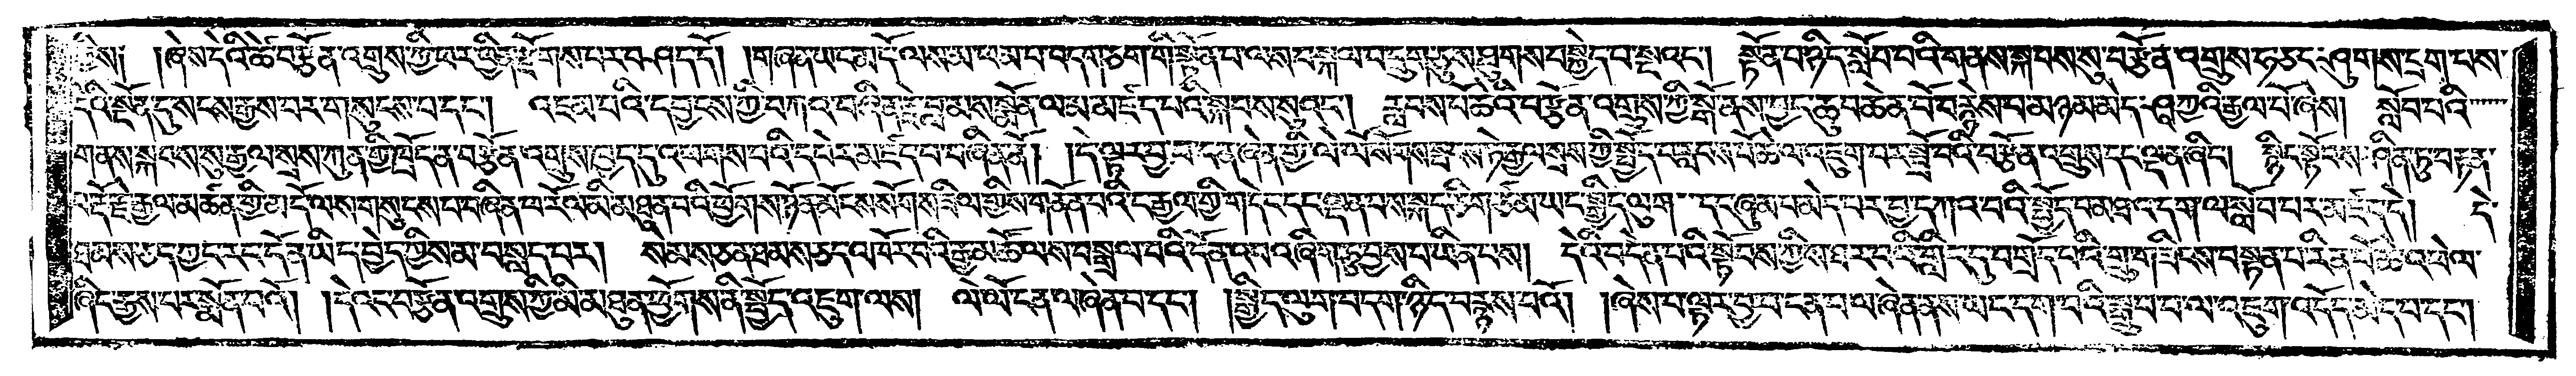ཀྱིས། །ཞེས་དེའི་ཚེ་བརྩོན་འགྲུས་ཀྱི་ཕར་ཕྱིན་རྫོགས་བར་བཤད་དོ། །གཞན་ཡང་མདོ་ལས་མ་ཕམ་པ་བདག་ཅག་གི་སྟོན་པ་ལས་བསྐལ་པ་དྲུག་ཅུས་ཐུགས་བསྐྱེད་པ་སྡའང་། སྟོན་བ་ཉིད་སློབ་པའི་གནས་སྐབས་སུ་བརྩོན་འགྲུས་ཧ་ཅང་ཤུགས་དྲག་པས་
དེའི་སྔོན་དུ་སངས་རྒྱས་པར་གསུངས་པ་དང་། འཇམ་པའི་དབྱངས་ཀྱི་བཀའ་བཞིན་རྗེ་བླ་མས་སྨོན་ལམ་མཛད་པའི་སྐབས་སུའང་། རླབས་པོ་ཆེའི་བརྩོན་འགྲུས་ཀྱི་སྒོ་ནས་བྱང་ཆུབ་ཆེན་པོ་བརྙེས་པ་མཉམ་མེད་ཤཱཀྱའི་རྒྱལ་པོ་ཞེས། སློབ་པའི་
གནས་སྐབས་སུ་རྒྱལ་སྲས་ཀུན་གྱི་ཁྲོད་ན་བརྩོན་འགྲུས་ཁྱད་དུ་འཕགས་པའི་དཔེར་མཛད་པ་བཞིན་ནོ། །དེ་ལྟར་བྱ་བ་ངན་ཞེན་གྱི་ལེ་ལོ་སོགས་སྤངས་ཏེ་རྒྱལ་སྲས་ཀྱི་སྤྱོད་པ་རླབས་པོ་ཆེ་ལ་འཇུག་པར་སྤྲོ་བའི་བརྩོན་འགྲུས་དང་ལྡན་ཞིང་། སྙིང་སྟོབས་ཤིན་ཏུ་བརྟན་
པ་རྡོ་རྗེ་རྒྱལ་མཚན་གྱི་མདོ་ལས་གསུངས་པ་བཞིན་ཕ་རོལ་མི་མཐུན་པའི་ཕྱོགས་ཉོན་མོངས་སོགས་ཟིལ་གྱིས་གནོན་པའི་ང་རྒྱལ་གྱི་གདེང་དང་ལྡན་པས་སྐད་ཅིག་ཙམ་ཡང་སྒྱིད་ལུག་དང་ཞུམ་པ་མེད་པར་བྱ་དཀའ་བའི་སྤྱོད་པ་མཐའ་དག་ལ་སློབ་པར་མཛད་དེ། དེ་
ཐམས་ཅད་ཀྱང་རང་དོན་ཡིད་བྱེད་ཀྱིས་མ་བསླད་པར། སེམས་ཅན་ཐམས་ཅད་འཁོར་བའི་རྒྱ་མཚོ་ལས་བསྒྲལ་བའི་དོན་འབའ་ཞིག་ཏུ་བྱས་པ་ཡིན་པས། དེའི་བདེན་པའི་སྟོབས་ཀྱིས་ཐར་བའི་གླིང་དུ་བགྲོད་པའི་གྲུ་གཞིངས་བསྟན་པ་རིན་པོ་ཆེ་འཕེལ་
ཞིང་རྒྱས་པར་སྨོན་པའི། །དེའང་བརྩོན་འགྲུས་ཀྱི་མི་མཐུན་ཕྱོགས་ནི་སྤྱོད་འཇུག་ལས། ལེ་ལོ་ངན་ལ་ཞེན་པ་དང་། །སྒྱིད་ལུག་བདག་ཉིད་བརྙས་པའོ། །ཞེས་བ་ལྟར་བྱ་བ་ངན་པ་ལ་ཞེན་ནས་ཡང་དག་པའི་སྒྲུབ་བ་ལ་འཇུག་འདོད་མེད་བ་དང་།